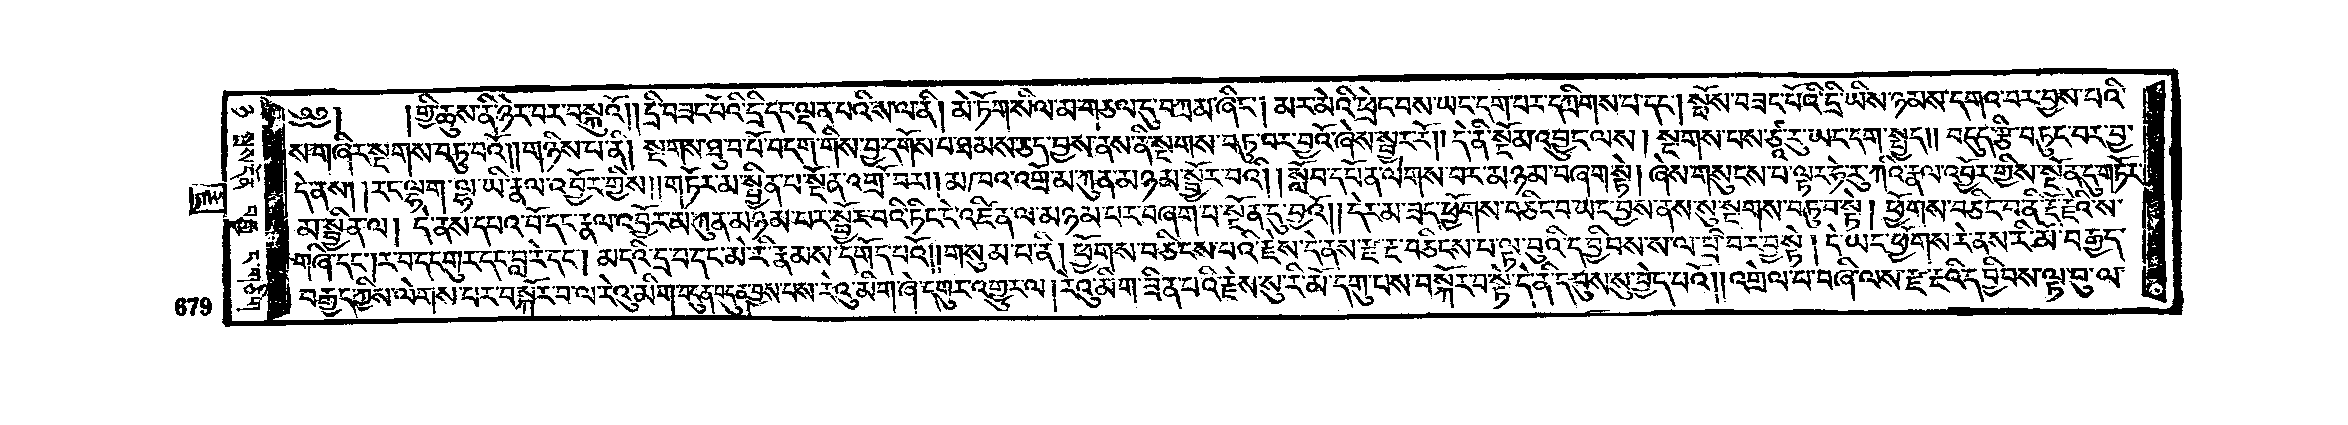༄༅། །གྱི་ཆུས་ནི་ཉེར་བར་བསྐུའོ། །དྲི་བཟང་པོའི་དྲི་དང་ལྡན་པའི་ས་ལ་ནི། མེ་ཏོག་སིལ་མ་གཅལ་དུ་བཀྲམ་ཞིང་། མར་མེའི་ཕྲེང་བས་ཡང་དག་པར་དཀྲིགས་པ་དང་། སྤོས་བཟང་པོའི་དྲི་ཡིས་ཉམས་དགའ་བར་བྱས་པའི་
ས་གཞིར་སྔགས་བཏུ་བའོ། །གཉིས་པ་ནི། སྔགས་ཐུ་བ་པོ་བདག་གིས་བྱ་དགོས་པ་ཐམས་ཅད་བྱས་ནས་ནི་སྔགས་བཏུ་བར་བྱའོ་ཞེས་སྦྱར་རོ། །དེ་ནི་སྔོམ་འབྱུང་ལས། སྔགས་པས་ཙཱ་རུ་ཡང་དག་སྤྱད། །བདུད་རྩི་བཏུང་བར་བྱ་
དེ་ནས། །རང་ལྷག་ལྷ་ཡི་རྣལ་འབྱོར་གྱིས། །གཏོར་མ་སྦྱིན་པ་སྔོན་འགྲོ་བར། །མཁའ་འགྲོ་མ་ཀུན་མཉམ་སྦྱོར་བའི། །སློབ་དཔོན་ལེགས་པར་མཉམ་བཞག་སྟེ། ཞེས་གསུངས་པ་ལྟར་ཧེ་རུ་ཀའི་རྣལ་འབྱོར་གྱིས་སྔོན་དུ་གཏོར་
མ་སྦྱིན་ལ། དེ་ནས་དཔའ་བོ་དང་རྣལ་འབྱོར་མ་ཀུན་མཉམ་པར་སྦྱོར་བའི་ཏིང་ངེ་འཛིན་ལ་མཉམ་པར་བཞག་པ་སྔོན་དུ་བྱའོ། །དེར་མ་ཟད་ཕྱོགས་བཅིང་བ་ཡང་བྱས་ནས་སུ་སྔགས་བཏུ་བ་སྟེ། ཕྱོགས་བཅིང་བ་ནི་རྡོ་རྗེའི་ས་
གཞི་དང་། ར་བ་དང་གུར་དང་བླ་རེ་དང་། མདའི་དྲ་པ་དང་མེ་རི་རྣམས་དགོད་པའོ། །གསུམ་པ་ནི། ཕྱོགས་བཅིངས་པའི་རྗེས་དེ་ནས་རྫ་རྔ་བཅིངས་པ་ལྟ་བུའི་དབྱིབས་ས་ལ་བྲི་བར་བྱ་སྟེ། དེ་ཡང་ཕྱོགས་རེ་ནས་རི་མོ་བརྒྱད་
བརྒྱད་ཀྱིས་ལེགས་པར་བསྐོར་བ་ལ་རེའུ་མིག་བདུན་བདུན་བྱས་པས་རེའུ་མིག་ཞེ་དགུར་འགྱུར་ལ། རེའུ་མིག་ཟིན་པའི་རྗེས་སུ་རི་མོ་དགུ་པས་བསྐོར་བ་སྟེ་དེ་ནི་དབུས་སུ་བྱེད་པའོ། །འགྲེལ་པ་བཞི་ལས་རྫ་རྔའི་དབྱིབས་ལྟ་བུ་ལ་